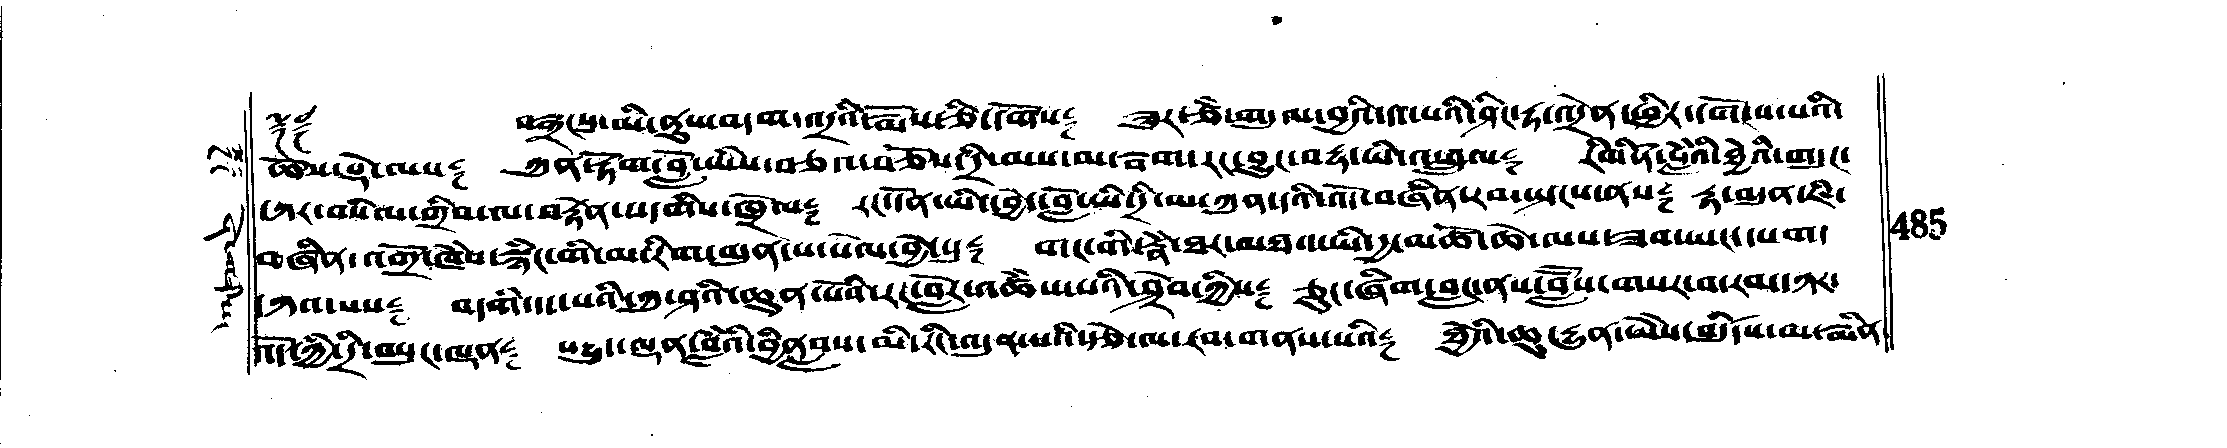བསྒྲངས་སུ་མི་ནུས་བདག་འདྲའི་སྨོས་ཅི་དགོས། །ཟུར་ཙམ་གདུལ་བྱའི་དད་པའི་ཤིང་རྟ་འདྲེན་ཕྱིར་དགོངས་པའི་
ཆོས་སྡེ་ལས། །ཀུན་རྟོག་བློ་ཡིས་བཅའ་བཅོས་དྲི་མས་མ་སྦག་རང་བྱུང་བརྡ་ཡི་འཕྲུལ། །རིག་འཛིན་བླ་མའི་ཐུགས་རྗེའི་གདུགས་
དཀར་བསིལ་གྲིབ་ལ་བརྟེན་བདག་གིས་ཁྲོལ། །རང་དོན་ཡིད་བྱེད་བློ་ཡི་དྲི་མ་ཀུན་དའི་འོད་བཞིན་རབ་སྤངས་ནས། །རྟ་བདུན་ཇི་
བཞིན་འགྲོ་ཁམས་སྙིང་གི་མ་རིག་མུན་པ་སེལ་བྱེད་དུ། །གང་གི་རྣམ་ཐར་མཐའ་ཡི་རྒྱ་མཚོ་ཆེ་ལས་ཟབ་ཡངས་དཔག་
དཀའ་བས། །བདག་གི་དད་པའི་ཀུ་ཤའི་ཆུན་པོའི་རང་བློར་འཚམས་པའི་ཤེས་རབ་ཀྱིས། །ཅུང་ཞིག་བླང་ནས་བློ་གྲོས་གསར་པ་རབ་དཀར་
འོད་ཀྱི་དྲི་བསུང་ལྡན། །བརྒྱུད་ལྡན་བླ་མའི་བྱིན་རླབས་མི་རིང་འདུན་པའི་རྩེ་ལ་རབ་གནས་པའི། །ཐུགས་རྗེའི་ཆུ་རྒྱུན་ཡེ་ཤེས་བདུད་རྩིས་མ་སྨིན་